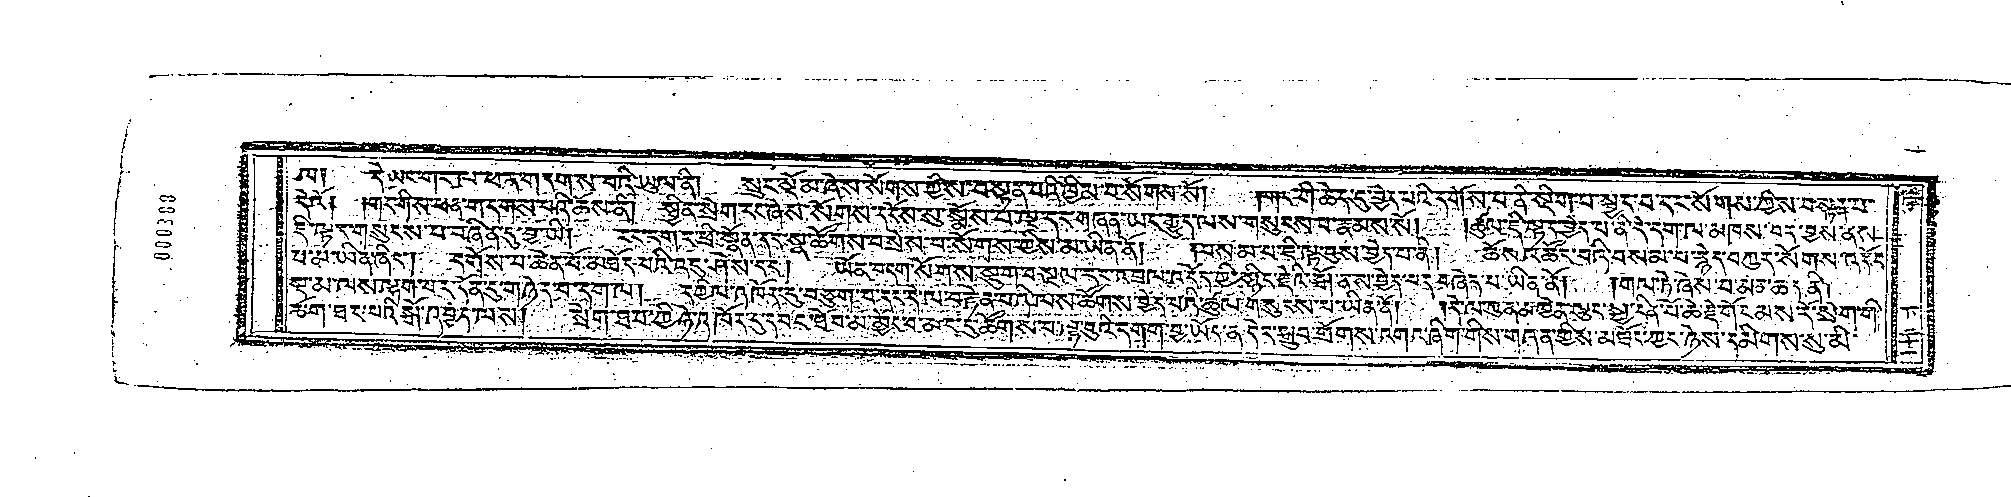ལ། དེ་ཡང་གང་ལ་ཕན་གདགས་པའི་ཡུལ་ནི། སྲུང་སྡོམ་ཞེས་སོགས་ཀྱིས་བསྟན་པའི་ཁྱིམ་པ་སོགས་སོ། །གང་གི་ཆེད་དུ་བྱེད་པའི་དགོས་པ་ནི་སྡིག་པ་སྦྱད་བ་དང་སོགས་ཀྱིས་བསྟན་པ་
དེའོ། །གང་གིས་ཕན་གདགས་པའི་ཆོས་ནི། སྦྱིན་སྲེག་དང་ཞེས་སོགས་དངོས་སུ་སྨོས་པ་ལྔ་དང་གཞན་ཡང་རྒྱུད་ལས་གསུངས་པ་རྣམས་སོ། །ཚུལ་ཇི་ལྟར་བྱེད་པ་ནི་དེ་དག་ལ་མཁས་བར་བྱས་ནས་
ཇི་ལྟར་གསུངས་པ་བཞིན་དུ་བྱ་ཡི། རང་དགར་ཕྲི་སྣོན་དང་སྣ་ཚོགས་བསྲེས་པ་སོགས་ཀྱིས་མ་ཡིན་ནོ། །བསམ་པ་ཇི་ལྟ་བུས་བྱེད་པ་ནི། ཆོས་འཚོང་བའི་བསམ་པ་རྙེད་བཀུར་སོགས་འདོད་
པ་མ་ཡིན་ཞིང་། དགོས་པ་ཆེན་པོ་མཐོང་པའི་འདུ་ཤེས་དང་། ཡོན་བདག་སོགས་སྡུག་བསྔལ་དང་འབྲལ་འདོད་ཀྱི་སྙིང་རྗེའི་སྒོ་ནས་བྱེད་པར་བཞེད་པ་ཡིན་ནོ། །གལ་ཏེ་ཞེས་པ་མན་ཆད་ནི།
སྔ་མ་ལས་ལྷག་པར་དོན་དུ་གཉེར་བ་དག་ལ། དཀྱིལ་འཁོར་དུ་བཅུག་པ་དང་དེ་ལ་བརྟེན་པའི་ལས་ཚོགས་བྱེད་པའི་ཚུལ་གསུངས་པ་ཡིན་ནོ། །དེ་ལ་ཀུན་མཁྱེན་ལྕང་སྐྱ་རིན་པོ་ཆེ་རྗེ་གོང་མས་དོ་སྲེག་གི་
ཆོ་ག་ཐར་པའི་སྒོ་འབྱེད་ལས། སྲེག་ཐབ་ཀྱི་ཉེ་འཁོར་དུ་དབང་ཐོབ་མ་མྱོང་བ་མང་དུ་ཚོགས་པ་ལྟ་བུའི་དགག་བྱ་ཡོད་ན་དེར་སྒྲུབ་གྲོགས་འབའ་ཞིག་གིས་གཞན་གྱིས་མཐོང་ཀྱང་ཉེས་དམིགས་སུ་མི་